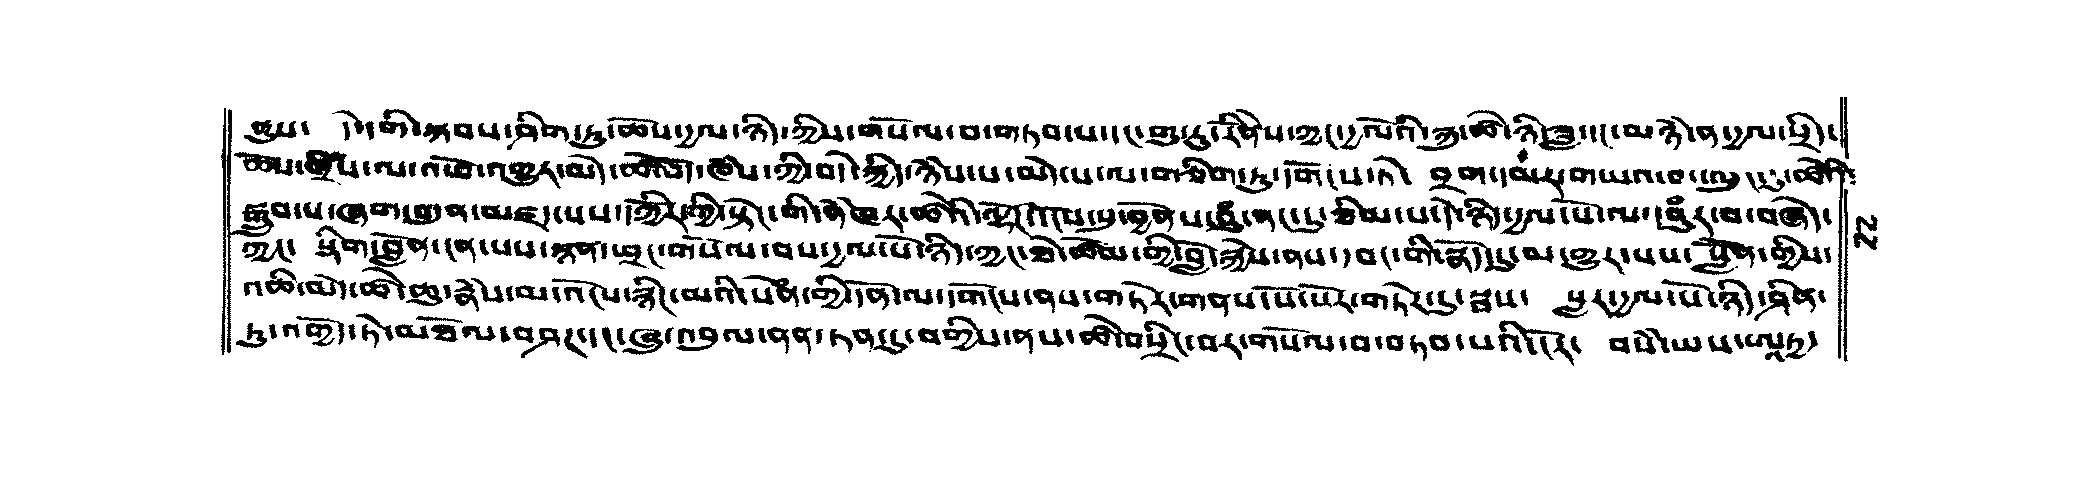ནུས། དེ་དག་གི་སྐབས་ཤིག་ཏུ་ཆོས་རྒྱལ་ཉིད་ཀྱིས་གསོལ་བ་གཏབ་པ་དང་གུ་རུ་རིན་པོ་ཆེས་ཀྱང་རྒྱལ་པོའི་སྐུ་ཚེ་ཉི་ཟླ་དང་མཉམ་རྒྱལ་སྲིད་
ཆོས་ཁྲིམས་ལ་འཕོ་འགྱུར་མེད་ཚེ་བོད་ཁམས་ཀྱི་བདེ་སྐྱིད་ཉམས་པ་མེད་པ་ལ་གཅིག་ཏུ་དགོངས་ཏེ། བྲག་དམར་གཡའ་བ་ལུང་དུ་ཚེའི་
སྒྲུབ་པ་ཞག་བདུན་མཛད་པས་དཀྱིལ་འཁོར་གྱི་སྟེང་གི་ནམ་མཁར་ཚེའི་ལྷ་ཚོགས་དངོས་སུ་བྱོན་པ་བུམ་ནང་དུ་ཐིམ་པ་དེ་ཉིད་རྒྱལ་པོ་ལ་དབང་བསྐུར་བ་བཞེད་
ཀྱང་། སྡིག་བློན་ངན་པས་སྙན་ཕྲང་གསོལ་བས་རྒྱལ་པོ་ཉིད་ཀྱང་ཐེ་ཚོམ་གྱི་བློ་སྐྱེས་ནས་དབང་གི་སྣོད་དུ་མ་གྱུར་པས། སློབ་དཔོན་གྱིས་
འཆི་མེད་ཚེ་ཆུ་རྣམས་མ་འོང་སྙིགས་མའི་སེམས་ཅན་གྱི་དོན་ལ་དགོངས་ནས་གཏེར་གནས་སོ་སོར་གཏེར་དུ་སྦས། སླར་རྒྱལ་པོ་ཉིད་ཤིན་
ཏུ་འགྱོད་ཏེ་མཐོལ་བཤགས་དང་ཞུ་འབུལ་ནན་ཏན་དུ་བགྱིས་ནས་ཚེ་བསྲིང་བར་གསོལ་བ་བཏབ་པའི་ངོར། བསམ་ཡས་ཨཱཏྱ་